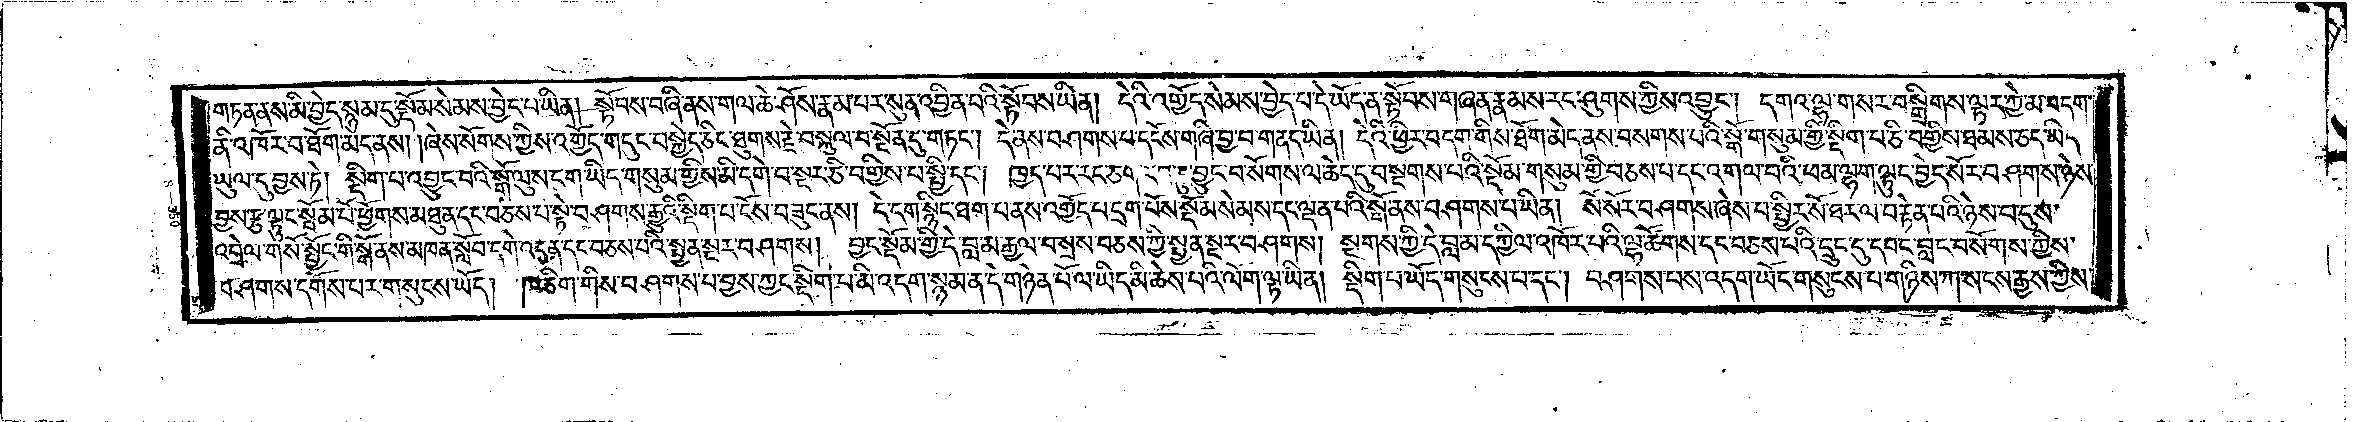གཏན་ནས་མི་བྱེད་སྙམ་དུ་སྡོམ་སེམས་བྱེད་པ་ཡིན། སྟོབས་བཞི་ནས་གལ་ཆེ་ཤོས་རྣམ་པར་སུན་འབྱིན་པའི་སྟོབས་ཡིན། དེའི་འགྱོད་སེམས་བྱེད་པ་དེ་ཡོད་ན་སྟོབས་གཞན་རྣམས་རང་ཤུགས་ཀྱིས་འབྱུང་། དགའ་ལྷ་གསར་བསྒྲིགས་ལྟར་ཀྱེ་མ་བདག་
ནི་འཁོར་བ་ཐོག་མེད་ནས། །ཞེས་སོགས་ཀྱིས་འགྱོད་གདུང་བསྐྱེད་ཅིང་ཐུགས་རྗེ་བསྐུལ་བ་སྔོན་དུ་གཏང་། དེ་ནས་བཤགས་པ་དངོས་གཞི་བྱ་བ་གནད་ཡིན། དེའི་ཕྱིར་བདག་གིས་ཐོག་མེད་ནས་བསགས་པའི་སྒོ་གསུམ་གྱི་སྡིག་པ་ཅི་བགྱིས་ཐམས་ཅད་ཡིད་
ཡུལ་དུ་བྱས་ཏེ། སྡིག་པ་འབྱུང་པའི་སྒོ་ལུས་ངག་ཡིད་གསུམ་གྱིས་མི་དགེ་བ་སྔར་ཅི་བགྱིས་པ་སྤྱི་དང་། ཁྱད་པར་རང་ཅག་རབ་ཏུ་བྱུང་བ་སོགས་ལ་ཆེད་དུ་བསྔགས་པའི་སྡོམ་གསུམ་གྱི་བཅས་པ་དང་འགལ་བའི་ཕམ་ལྷག་ལྟུང་བྱེད་སོར་བཤགས་ཉེས་
བྱས་རྩ་ལྟུང་སྦོམ་པོ་ཕྱོགས་མཐུན་དང་བཅས་པ་སྟེ་བཤགས་རྒྱུའི་སྡིག་པ་ངོས་བཟུང་ནས། དེ་དག་སྙིང་ཐག་པ་ནས་འགྱོད་པ་དྲག་པོས་སྡོམ་སེམས་དང་ལྡན་པའི་སྒོ་ནས་བཤགས་པ་ཡིན། སོ་སོར་བཤགས་ཞེས་པ་སྤྱིར་སོ་ཐར་ལ་བརྟེན་པའི་ཉེས་པ་དུས་
འབྲེལ་གསོ་སྦྱོང་གི་སྒོ་ནས་མཁན་སློབ་དགེ་འདུན་དང་བཅས་པའི་སྤྱན་སྔར་བཤགས། བྱང་སྡོམ་གྱི་དེ་བླ་མ་རྒྱལ་བ་སྲས་བཅས་ཀྱི་སྤྱན་སྔར་བཤགས། སྔགས་ཀྱི་དེ་བླ་མ་དཀྱིལ་འཁོར་པའི་ལྷ་ཚོགས་དང་བཅས་པའི་དྲུང་དུ་དབང་བླང་བ་སོགས་ཀྱིས་
བཤགས་དགོས་པར་གསུངས་ཡོད། ཁ་ཅིག་གིས་བཤགས་པ་བྱས་ཀྱང་སྡིག་པ་མི་འདག་སྙམ་ན་དེ་གཉེན་པོ་ལ་ཡིད་མི་ཆེས་པའི་ལོག་ལྟ་ཡིན། སྡིག་པ་ཡོད་གསུངས་པ་དང་། བཤགས་པས་འདག་ཡོང་གསུངས་པ་གཉིས་ཀ་སངས་རྒྱས་ཀྱིས་